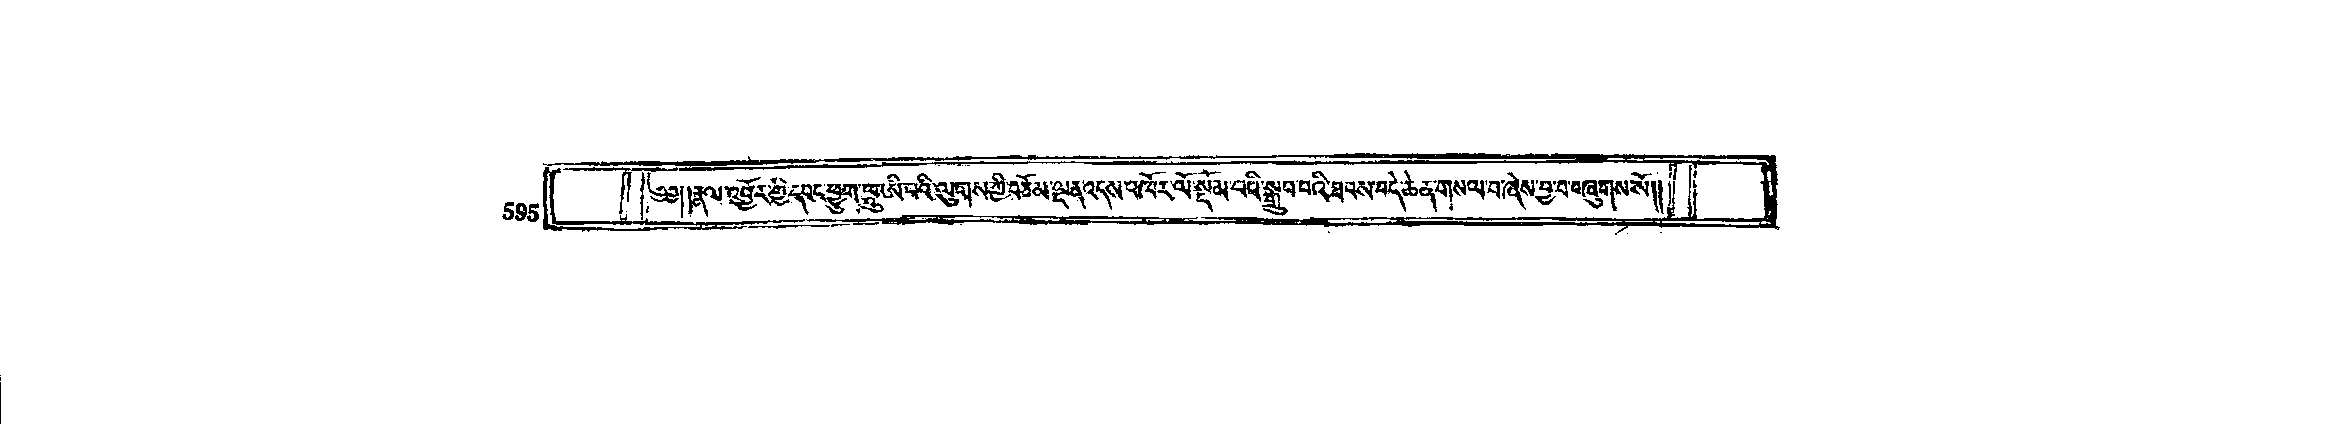༄༅། །རྣལ་འབྱོར་གྱི་དབང་ཕྱུག་ལཱུ་ཨི་པའི་ལུགས་ཀྱི་བཅོམ་ལྡན་འདས་འཁོར་ལོ་སྡོམ་པའི་སྒྲུབ་པའི་ཐབས་བདེ་ཆེན་གསལ་བ་ཞེས་བྱ་བ་བཞུགས་སོ། །